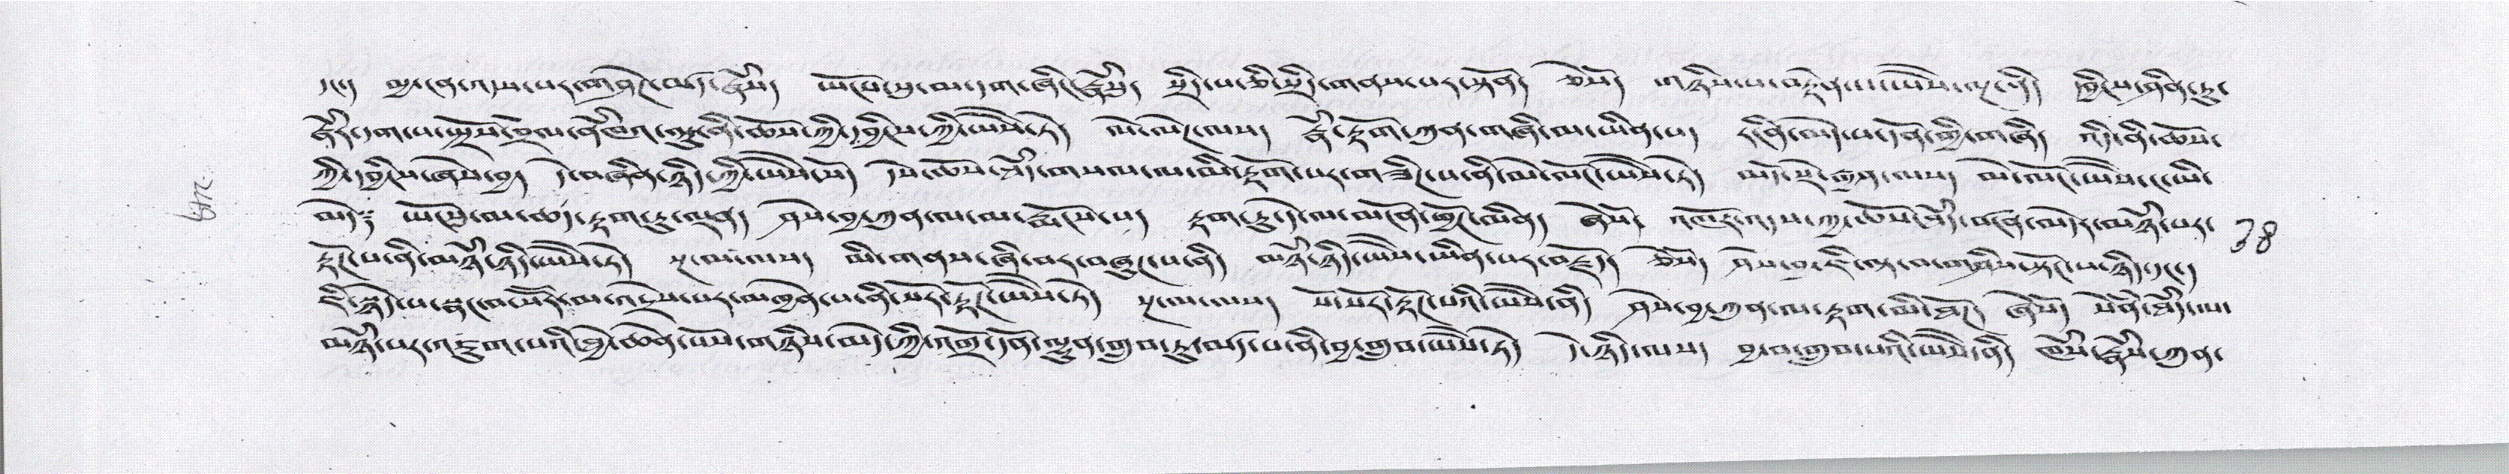དང། མྱ་ངན་འདས་པར་གཤེགས་མཛད་རྣམས། ཡོངས་སུ་མ་དག་ཞིང་རྣམས་སུ། སྲིད་པ་ཅི་སྲིད་གནས་པར་སྟོན། ཅེས་སོ། གཉིས་པ་བརྟེན་པ་ཡེ་ཤེས་ལྔ་ནི། དབྱིངས་ཤིན་ཏུ་
རྣམ་པར་དག་པ་སྤྲོས་བྲལ་ནམ་མཁའ་ལྟ་བུ་ནི་ཆོས་ཀྱི་དབྱིངས་ཀྱི་ཡེ་ཤེས་ཏེ། ལེ་ལེགས་ལས། རྣམ་རྟོག་ཀུན་གཞི་མ་ཡིན་པ། རང་བཞིན་མེད་པ་དོན་གྱི་གཞི། འདི་ནི་ཆོས་
ཀྱི་དབྱིངས་ཞེས་བྱ། དེ་བཞིན་ཉིད་ཀྱི་ཡེ་ཤེས་སོ། དེས་ཆོས་ཐམས་ཅད་གསལ་ལ་མི་རྟོག་པར་གཟིགས་པ་ནི་མེ་ལོང་ཡེ་ཤེས་ཏེ། མདོ་སྡེ་རྒྱན་ལས། མེ་ལོང་ཡེ་ཤེས་ང་ཡི་
མེད། ཡོངས་སུ་མ་ཆད་རྟག་ཏུ་ལྡན། ཤེས་བྱ་ཀུན་ལ་མ་རྨོངས་པ། རྟག་ཏུ་དེ་ལ་མངོན་ཕྱོགས་མིན། ཞེས་སོ། འཁོར་འདས་ཀྱི་ཆོས་ཐམས་ཅད་བཟང་ངན་མེད་པར་མཉམ་པར་
རྟོགས་པ་ནི་མཉམ་ཉིད་ཡེ་ཤེས་ཏེ། སྔ་མ་ལས། མི་གནས་ཞི་བར་བཞུགས་པ་ནི། མཉམ་ཉིད་ཡེ་ཤེས་ཡིན་པར་བརྗོད། ཅེས་སོ། ཤེས་བྱ་ཇི་ལྟ་བ་གཤིས་སྟོང་པ་ཉིད་དང། 
ཇི་སྙེད་པ་སྣང་བ་སོ་སོར་མ་འདྲེས་པར་མཁྱེན་པ་ནི་སོར་རྟོགས་ཡེ་ཤེས་ཏེ། སྔ་མ་ལས། སོ་སོར་རྟོགས་པའི་ཡེ་ཤེས་ནི། ཤེས་བྱ་ཀུན་ལ་རྟག་མི་ཐོགས། ཞེས་སོ། སེམས་ཅན་ཐམས་ཅད་ལ་
མཉམ་པར་འཇུག་པའི་ཐུགས་རྗེ་ཆེན་པོས་གཉིས་མེད་ཀྱི་འགྲོ་དོན་ལྷུན་གྲུབ་ཏུ་མཛད་པ་ནི་བྱ་གྲུབ་ཡེ་ཤེས་ཏེ། དེ་ཉིད་ལས། བྱ་བ་གྲུབ་པའི་ཡེ་ཤེས་ནི། ཁམས་རྣམས་ཀུན་